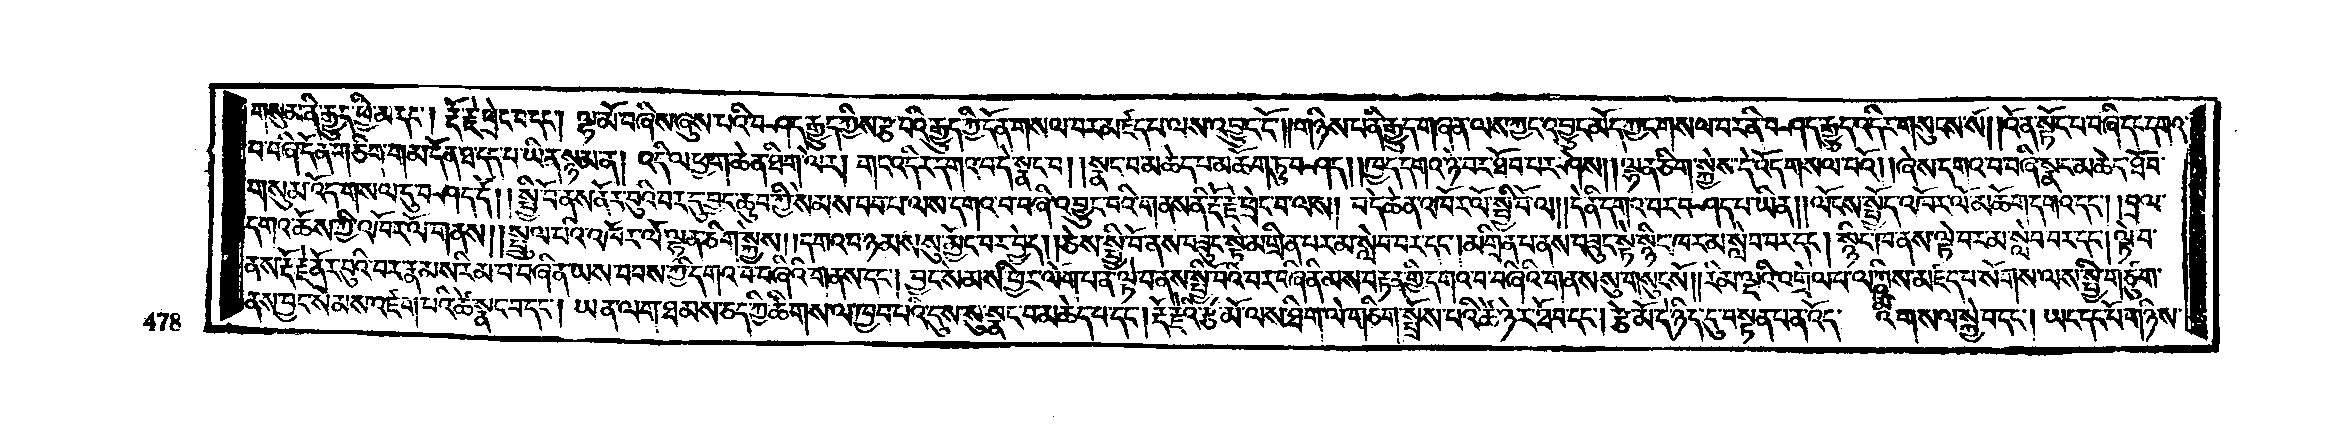གསུམ་ནི་རྒྱུད་ཕྱི་མ་དང་། རྡོ་རྗེ་ཕྲེང་བ་དང་། ལྷ་མོ་བཞིས་ཞུས་པའི་བཤད་རྒྱུད་ཀྱིས་རྩ་བའི་རྒྱུད་ཀྱི་དོན་གསལ་བར་མཛད་པ་ལས་འབྱུང་ངོ། །གཉིས་པ་ནི་རྒྱུད་གཞན་ལས་ཀྱང་འབྱུང་མོད་ཀྱང་གསལ་བར་ནི་བཤད་རྒྱུད་འདིར་གསུངས་སོ། །འོ་ན་སྟོང་པ་བཞི་དང་དགའ་
བ་བཞི་དོན་གཅིག་གམ་དོན་ཐ་དད་པ་ཡིན་སྙམ་ན། འདི་ལ་ཕྱག་ཆེན་ཐིག་ལེར། གང་འདིར་དགའ་བ་དེ་སྣང་བ། །སྣང་བ་མཆེད་པ་མཆོག་ཏུ་བཤད། །ཁྱད་དགའ་ཉེ་བར་ཐོབ་པར་ཤེས། །ལྷན་ཅིག་སྐྱེས་དེ་འོད་གསལ་བའོ། །ཞེས་དགའ་བ་བཞི་སྣང་མཆེད་ཐོབ་
གསུམ་འོད་གསལ་དུ་བཤད་དོ། །སྤྱི་བོ་ནས་ནོར་བུའི་བར་དུ་བྱང་ཆུབ་ཀྱི་སེམས་བབ་པ་ལས་དགའ་བ་བཞི་འབྱུང་བའི་གནས་ནི་རྡོ་རྗེ་ཕྲེང་བ་ལས། བདེ་ཆེན་འཁོར་ལོ་སྤྱི་བོ་ལ། །དེ་ནི་དགའ་བར་བཤད་པ་ཡིན། །ལོངས་སྤྱོད་འཁོར་ལོ་མཆོག་དགའ་དང་། །བྲལ་
དགའ་ཆོས་ཀྱི་འཁོར་ལོ་གནས། །སྤྲུལ་པའི་འཁོར་ལོ་ལྷན་ཅིག་སྐྱེས། །དགའ་བ་ཉམས་སུ་མྱོང་བར་བྱེད། །ཅེས་སྤྱི་བོ་ནས་བཟུང་སྟེ་མགྲིན་པར་མ་སླེབ་བར་དང་། མགྲིན་པ་ནས་བཟུང་སྟེ་སྙིང་ཁར་མ་སླེབ་བར་དང་། སྙིང་ཁ་ནས་ལྟེ་བར་མ་སླེབ་བར་དང་། ལྟེ་བ་
ནས་རྡོ་རྗེ་ནོར་བུའི་བར་རྣམས་རིམ་པ་བཞིན་ཡས་བབས་ཀྱི་དགའ་བ་བཞིའི་གནས་དང་། བྱང་སེམས་ཕྱིར་ལོག་པ་ན་ལྟེ་བ་ནས་སྤྱི་བོའི་བར་བཞི་ནི་མས་བརྟན་གྱི་དགའ་བ་བཞིའི་གནས་སུ་གསུངས་སོ། །རིམ་ལྔའི་འགྲེལ་པ་ལ་ཀྵྨཱིས་མཛད་པ་སོགས་ལས་སྤྱི་གཙུག་
ནས་བྱང་སེམས་འཛག་པའི་ཚེ་སྣང་བ་དང་། ཡན་ལག་ཐམས་ཅད་ཀྱི་ཚིགས་ལ་ཁྱབ་པའི་དུས་སུ་སྣང་བ་མཆེད་པ་དང་། རྡོ་རྗེའི་རྩེ་མོ་ལས་ཐིག་ལེ་གཅིག་སྤྲོས་པའི་ཚེ་ཉེར་ཐོབ་དང་། རྩེ་མོ་དེ་ཉིད་དུ་བསྟན་པ་ན་འོད་གསལ་སྐྱེ་བ་དང་། ཡང་དང་པོ་གཉིས་